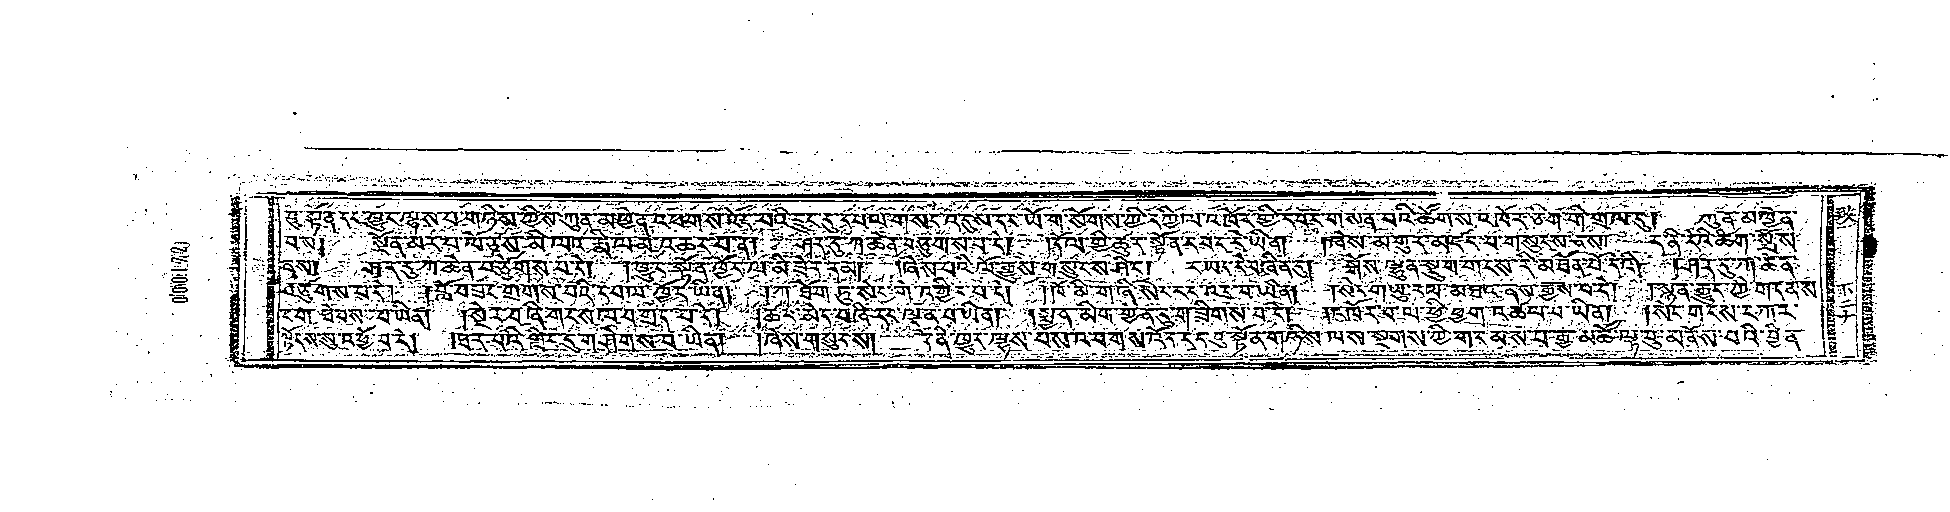བུ་སྟོན་དང་ཁྱུང་ལྷས་པ་གཉིས་ཀྱིས་ཀུན་མཁྱེན་འཕགས་འོང་བའི་དྲུང་དུ་དཔལ་གསང་འདུས་དང་ཡོ་ག་སོགས་ཀྱི་དཀྱིལ་འཁོར་གྱི་དབང་གསན་པའི་ཚོགས་འཁོར་ཅིག་གི་གྲལ་དུ། ཀུན་མཁྱེན་
པས། སྔོན་མར་པ་ལོ་ཙཱས་མི་ལའང་རྨི་ལམ་འཆང་བ་ན། ཤར་དུ་ཀ་ཆེན་བཙུགས་པ་དེ། །དོལ་གྱི་ཚུར་སྟོན་དབང་དེ་ཡིན། །ཞེས་མགུར་མཛད་པ་གསུངས་ནས། ད་ནི་དེའི་ཚིག་སྤོས་
ནས། ཤར་དུ་ཀ་ཆེན་བཙུགས་པ་དེ། །ཁྱུང་སྟོན་ཁྱོད་ལ་མི་ཟེར་རམ། །ཞེས་པའི་ལོ་རྒྱུས་གསུངས་ཤིང་། ང་ཡང་དེ་བཞིན་དུ། སྒོས་ལྷུན་སྡུག་གངས་རི་མཐོན་པོ་དེའི། །ཤར་དུ་ཀ་ཆེན་
བཙུགས་པ་དེ། །གློ་བཟང་གྲགས་བའི་དཔལ་ཁྱོད་ཡིན། །ཀ་ཐོག་ཏུ་སེང་གེ་འགྱིད་པ་དེ། །ཁོ་མི་གཞི་སེང་དང་འདྲ་བ་ཡིན། །སེང་གཡུ་རལ་མཐའ་ནས་རྒྱས་པ་དེ། །སྙན་རྒྱུད་ཀྱི་གདམས་
ངག་ཐེབས་པ་ཡིན། །སྔེར་བཞི་གངས་ལ་བགྲད་པ་དེ། །ཚད་མེད་བཞི་དང་ལྡན་པ་ཡིན། །སྤྱན་མིག་གྱེན་དུ་གཟིགས་པ་དེ། །འཁོར་བ་ལ་ཕྱི་ཕྱག་འཚལ་བ་ཡིན། །སེང་གངས་དཀར་
ལྟོངས་སུ་འཕྱོ་བ་དེ། །ཐར་བའི་གླིང་དུ་གཤེགས་པ་ཡིན། །ཞེས་གསུངས། དེ་ནི་ཁྱུད་ལྷས་པས་འཕགས་འོད་དང་བུ་སྟོན་གཉིས་ལས་སྔགས་ཀྱི་གདམས་པ་རྒྱ་མཚོ་ལྟ་བུ་མནོས་པའི་བྱིན་